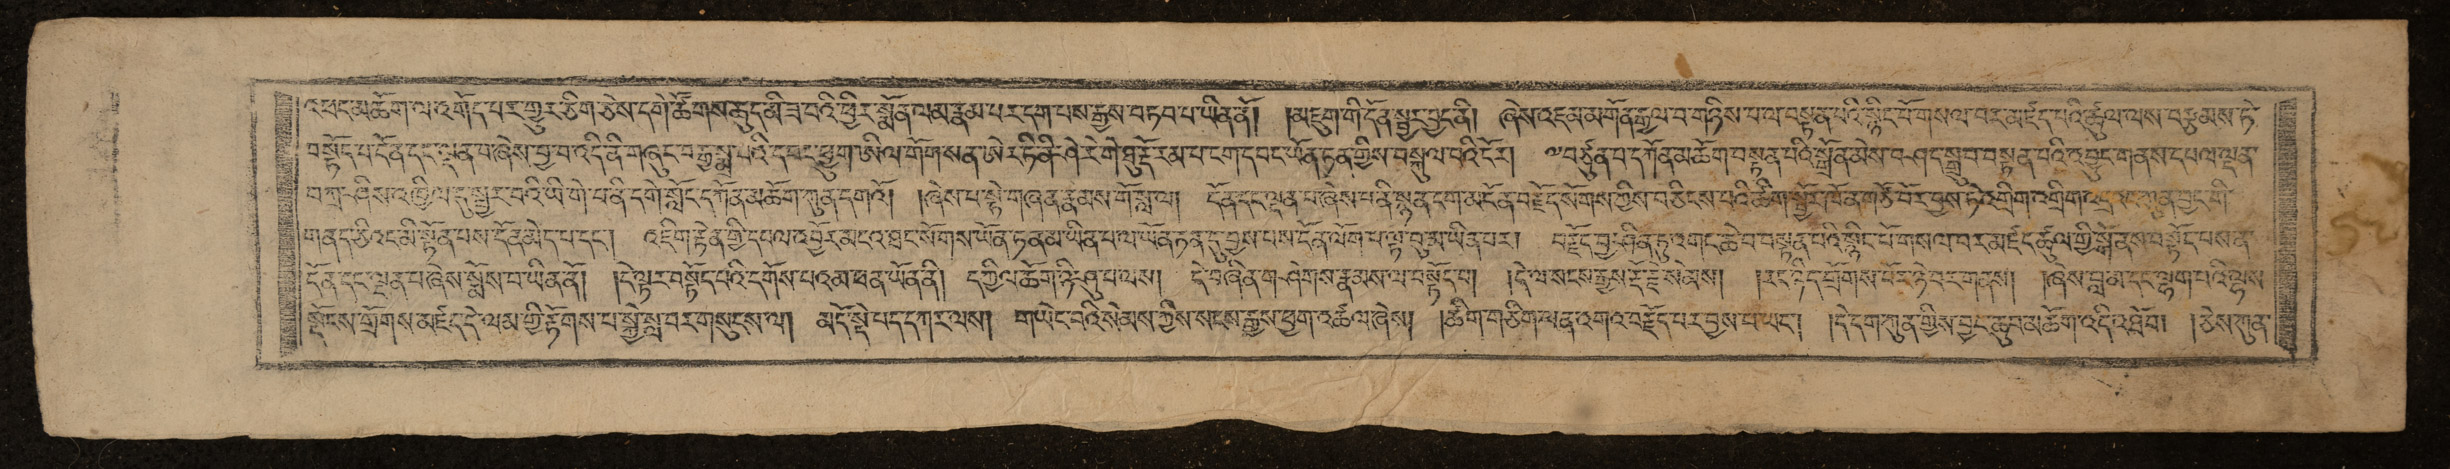འཕང་མཆོག་ལ་འགྲོད་པར་གྱུར་ཅིག་ཅེས་དགེ་ཚོགས་ཆུད་མི་ཟབ་ཉི་ཕྱིར་སྨོན་ལམ་རྣམ་པར་དག་པས་རྒྱས་བཏབ་པ་ཡིན་ནོ། །མཇུག་གི་དོན་སྦྱར་བྱར་ནི། ཞེས་འཇམ་མགོན་རྒྱལ་བ་གཉིས་པ་ལ་བསྟན་པའི་སྙིང་པོ་གསལ་བར་མཛད་པའི་ཚུལ་ལས་བརྩམས་ཏེ་
བསྟོད་པ་དོན་དང་ལྡན་པ་ཞེས་བྱ་བ་འདི་ནི་གཞུང་བརྒྱ་སྣ་བའི་དབང་ཕྱུག་ཨིལ་གོགས་ན་ཨེན་ཏི་ནི་ཤེ་རེ་གེ་ཐུ་རྡོར་མ་པ་ངག་དབང་ཡོན་ཏན་གྱིས་བསྐུལ་བའི་ངོར། ༧་བཙུན་པ་དཀོན་མཆོག་བསྟན་པའི་སྒྲོན་མེས་བཤད་སྒྲུབ་བསྟན་པའི་འབྱུང་གནས་དཔལ་ལྡན་
བཀྲ་ཤིས་འཁྱིལ་དུ་སྦྱར་བའི་ཡི་གེ་པ་ནི་དགེ་སློང་དཀོན་མཆོག་ཀུན་དགའོ། །ཞེས་པ་སྟེ་གཞན་རྣམས་གོ་སླ་ལ། དོན་དང་ལྡན་པ་ཞེས་པ་ནི་སྙན་ངག་མངོན་བརྗོད་སོགས་ཀྱིས་བཅིངས་པའི་ཚིག་སྦྱོར་ཁོ་ན་གཙོ་བོར་བྱས་ཏེ་འགྲིག་འགྲིག་འདྲའང་ཀུན་བྱང་གི་
གནད་ཅིའང་མི་སྟོན་པས་དོན་མེད་པ་དང་། འཇིག་རྟེན་གྱི་དཔལ་འབྱོར་མངའ་ཐང་སོགས་ཡོན་ཏན་མ་ཡིན་པ་ལ་ཡོན་ཏན་དུ་བྱས་པས་དོན་ལོག་པ་ལྟ་བུ་མ་ཡིན་པར། བརྗོད་བྱ་ཤིན་ཏུ་འགངས་ཆེ་བ་བསྟན་པའི་སྙིང་པོ་གསལ་བར་མཛད་ཚུལ་གྱི་སྒོ་ནས་བསྟོད་པས་ན་
དོན་དང་ལྡན་པ་ཞེས་སྨོས་པ་ཡིན་ནོ། །དེ་ལྟར་བསྟོད་པའི་དགོས་པའམ་ཕན་ཡོན་ནི། དཀྱིལ་ཆོག་ཉི་ཤུ་པ་ལས། དེ་བཞིན་གཤེགས་རྣམས་ལ་བསྟོད་པ། །དེ་ལ་སངས་རྒྱས་རྡོ་རྗེ་སེམས། །རང་ཉིད་གྲོགས་པོར་ཉེ་བར་གནས། །ཞེས་བླ་མ་དང་ལྷག་པའི་ལྷས་
སྡོངས་གྲོགས་མཛད་དེ་ལམ་གྱི་རྟོགས་པ་སྐྱེ་སླ་བར་གསུངས་ལ། མདོ་སྡེ་བད་དཀར་ལས། གཡེང་པའི་སེམས་ཀྱིས་སངས་རྒྱས་ཕྱག་འཚལ་ཞེས། །ཚིག་གཅིག་ལན་འགའ་བརྗོད་པར་བྱས་པ་ཡང་། །དེ་དག་ཀུན་གྱིས་བྱང་ཆུབ་མཆོག་འདི་འཐོབ། །ཅེས་ཀུན་